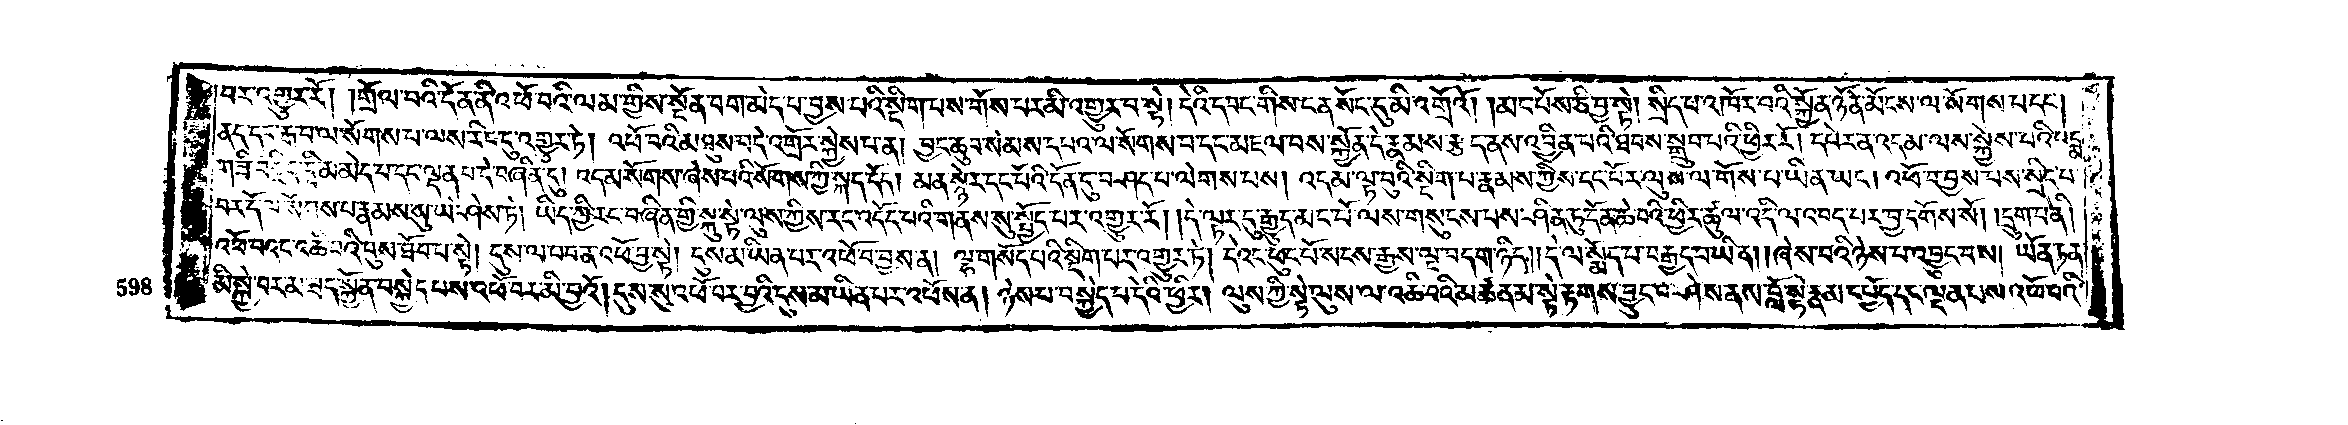བར་འགྱུར་རོ། །གྲོལ་བའི་དོན་ནི་འཕོ་བའི་ལམ་གྱིས་སྔོན་བག་མེད་པ་བྱས་པའི་སྡིག་པས་གོས་པར་མི་འགྱུར་བ་སྟེ། དེའི་དབང་གིས་ངན་སོང་དུ་མི་འགྲོའོ། །མང་པོས་ཅི་བྱ་སྟེ། སྲིད་པ་འཁོར་བའི་སྐྱོན་ཉོན་མོངས་ལ་སོགས་པ་དང་།
ནད་དང་རྒ་བ་ལ་སོགས་པ་ལས་རིང་དུ་འགྱུར་ཏེ། འཕོ་བའི་མཐུས་བདེ་འགྲོར་སྐྱེས་པ་ན། བྱང་ཆུབ་སེམས་དཔའ་ལ་སོགས་པ་དང་མཇལ་བས་སྐྱོན་དེ་རྣམས་རྩད་ནས་འབྱིན་པའི་ཐབས་སྒྲུབ་པའི་ཕྱིར་རོ། དཔེར་ན་འདམ་ལས་སྐྱེས་པའི་པདམ་
གཟི་བརྗིད་དྲི་མ་མེད་པ་དང་ལྡན་པ་དེ་བཞིན་དུ། འདམ་སོགས་ཞེས་པའི་སོགས་ཀྱི་སྐད་དོད། མན་སྙེར་དང་པོའི་དོན་དུ་བཤད་པ་ལེགས་པས། འདམ་ལྟ་བུའི་སྡིག་པ་རྣམས་ཀྱིས་དང་པོར་ལུས་ལ་གོས་པ་ཡིན་ཡང་། འཕོ་བ་བྱས་པས་སྲིད་པ་
བར་དོ་ལ་སོགས་པ་རྣམས་སུ་ཡེ་ཤེས་ཏེ། ཡིད་ཀྱི་རང་བཞིན་གྱི་སྐུ་སྟེ་ལུས་ཀྱིས་རང་འདོད་པའི་གནས་སུ་སྤྱོད་པར་འགྱུར་རོ། །དེ་ལྟར་དུ་རྒྱུད་མང་པོ་ལས་གསུངས་པས་ཤིན་ཏུ་དོན་ཆེ་བའི་ཕྱིར་ཚུལ་འདི་ལ་འབད་པར་བྱ་དགོས་སོ། །དྲུག་པ་ནི།
འཕོ་བའང་འཆི་བའི་བུས་ཐོབ་པ་སྟེ། དུས་ལ་བབ་ན་འཕོ་བྱ་སྟེ། དུས་མ་ཡིན་པར་འཕོ་བ་བྱས་ན། ལྷ་གསོད་པའི་སྡིག་པར་འགྱུར་ཏེ། དེའང་ཕུང་པོ་སངས་རྒྱས་ལྔ་བདག་ཉིད། །དེ་ལ་སྨོད་པ་བརྒྱད་པ་ཡིན། །ཞེས་པའི་ཉེས་པ་འབྱུང་བས། ཡོན་ཏན་
མི་སྐྱེ་བར་མ་ཟད་སྐྱོན་བསྐྱེད་པས་འཕོ་བར་མི་བྱའོ། དུས་སུ་འཕོ་བར་བྱའི་དུས་མ་ཡིན་པར་འཕོས་ན། ཉེས་པ་བསྐྱེད་པ་དེའི་ཕྱིར། ལུས་ཀྱི་སྟེ་ལུས་ལ་འཆི་བའི་མཚན་མ་སྟེ་རྟགས་བྱུང་བ་ཤེས་ནས་བློ་སྟེ་རྣམ་དཔྱོད་དང་ལྡན་པས་འཕོ་བའི་